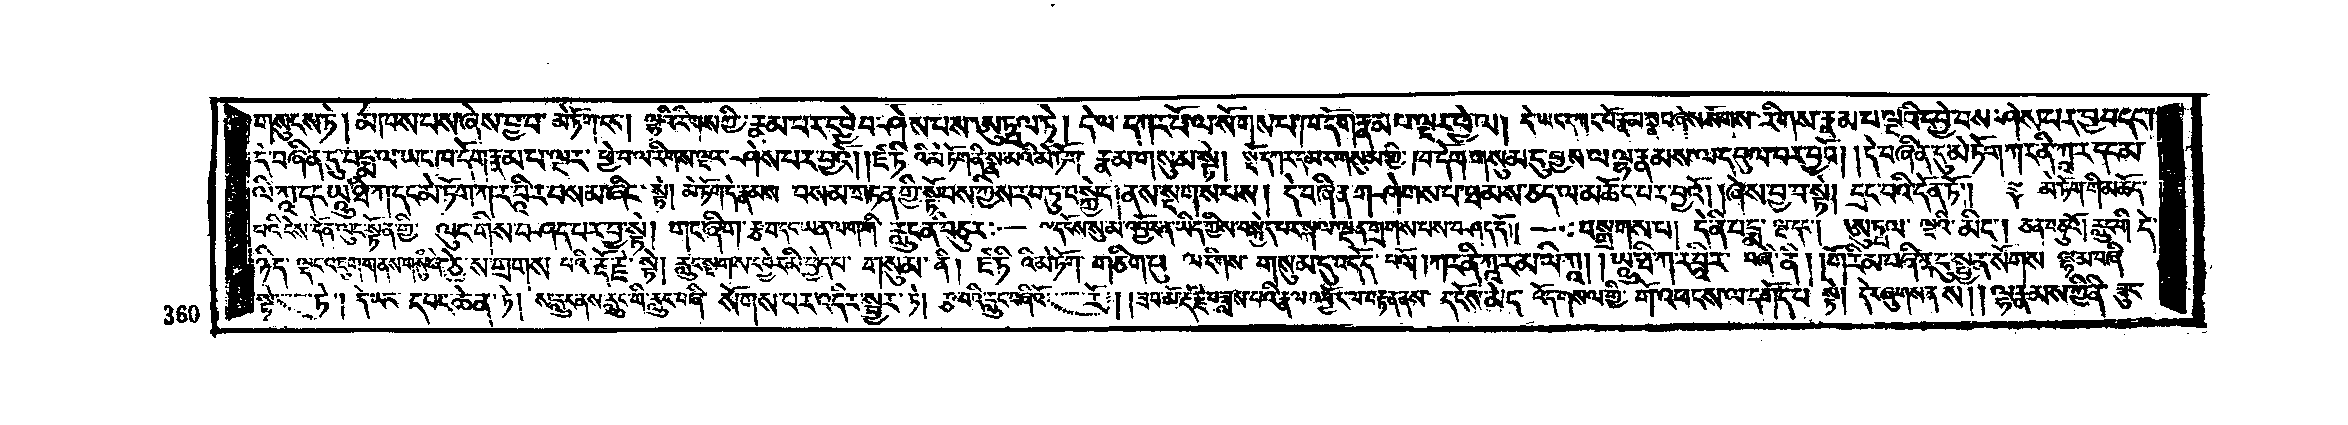གསུངས་ཏེ། མཁས་པས་ཞེས་བྱ་བ་མེ་ཏོག་དང་། ལྷའི་རིགས་ཀྱི་རྣམ་པར་དབྱེ་བ་ཤེས་པས་ཨུཏྤལ་ཏེ། དེ་ལ་དཀར་པོ་ལ་སོགས་པ་ཁ་དོག་རྣམ་པ་ལྔར་ཕྱེ་ལ། དེ་ཡང་དཀར་པོ་རྣམ་སྣང་ཞེས་སོགས་རིགས་རྣམ་པ་ལྔའི་དབྱེ་བས་ཤེས་པར་བྱ་བ་དང་།
དེ་བཞིན་དུ་པདམ་ལ་ཡང་ཁ་དོག་རྣམ་པ་ལྔར་ཕྱེ་བ་ལ་རིགས་ལྔར་ཤེས་པར་བྱའོ། །ཛ་ཏིའི་མེ་ཏོག་ནི་སྣ་མའི་མེ་ཏོག་རྣམ་གསུམ་སྟེ། སྔོ་དཀར་དམར་གསུམ་གྱི་ཁ་དོག་གསུམ་དུ་བྱས་ལ་ལྷ་རྣམས་ལ་དབུལ་བར་བྱའོ། །དེ་བཞིན་དུ་མེ་ཏོག་ཀར་ནི་ཀཱ་ར་དང་མ་
ལི་ཀཱ་དང་ཡཱུ་ཐི་ཀ་དང་མེ་ཏོག་ཀ་ར་བཱི་ར་བསམ་ཞིང་སྟེ། མེ་ཏོག་དེ་རྣམས་བསམ་གཏན་གྱི་སྟོབས་ཀྱིས་རབ་ཏུ་བསྐྱེད་ནས་སྔགས་པས། དེ་བཞིན་གཤེགས་པ་ཐམས་ཅད་ལ་མཆོད་པར་བྱའོ། །ཞེས་བྱ་བ་སྟེ། དྲང་བའི་དོན་ཏོ།། ༈ མེ་ཏོག་གི་མཆོད་
པའི་ངེས་དོན་ལུང་སྟོན་གྱི་ལུང་གིས་བཤད་པར་བྱ་སྟེ། གང་ཞིག་རྩ་བ་དང་ཡན་ལག་གི་རླུང་ནི་བཅུརཿ་༧དངོས་སུ་མ་འབྱོར་ན་ཡིད་ཀྱིས་བསྐྱེད་པར་སྐལ་ལྡན་གྲགས་པས་བཤད་དོ།།  .Hབསྒྲགས་པ། དེ་ནི་པདམ་ལྔ་དང་།  ཨུཏྤལ་ལྔའི་མིང་། ཅན་བཅུའོ། རླུང་གི་དེ་
ཉིད་ལྡང་འཇུག་གནས་གསུམ་ཞེ་ཅེ་ས་གྲགས་པའི་རྡོ་རྗེ་སྟེ། རླུང་སྔགས་དབྱེར་མི་ཕྱེད་པ་གསུམ་ནི།  ཛ་ཏི་འི་མེ་ཏོག་གཅིག་པུ་ལ་རིགས་གསུམ་དུ་འདོད་པའོ།  །ཀར་ནི་ཀཱ་ར་ལ་ལིཀཱ། །ཡཱུ་ཐི་ཀ་ར་བཱི་ར་བཞི་ནི། །གོ་རིམ་བཞིན་དུ་སྤྱན་སོགས་ལྷ་མ་བཞི་
སྟེ་ཏེ། དེ་ཡང་དབང་ཆེན་ཏེ། ས་རླུང་ནས་རླུང་གི་རླུང་བཞི་སོགས་པར་འདིར་སྦྱར་ཏེ། རྩ་བའི་རླུང་བཞིའོ་རོ། ། ཟབ་མོ་རྡོ་རྗེ་བཟླས་པའི་རྣལ་འབྱོར་ལ་བརྟན་ནས་དངོས་མེད་འོད་གསལ་གྱི་གོ་འཕངས་ལ་དགོད་པ་སྟེ། དེར་ཞུགས་ནས།  །ལྷ་རྣམས་ཀྱི་ནི་ཟུང་